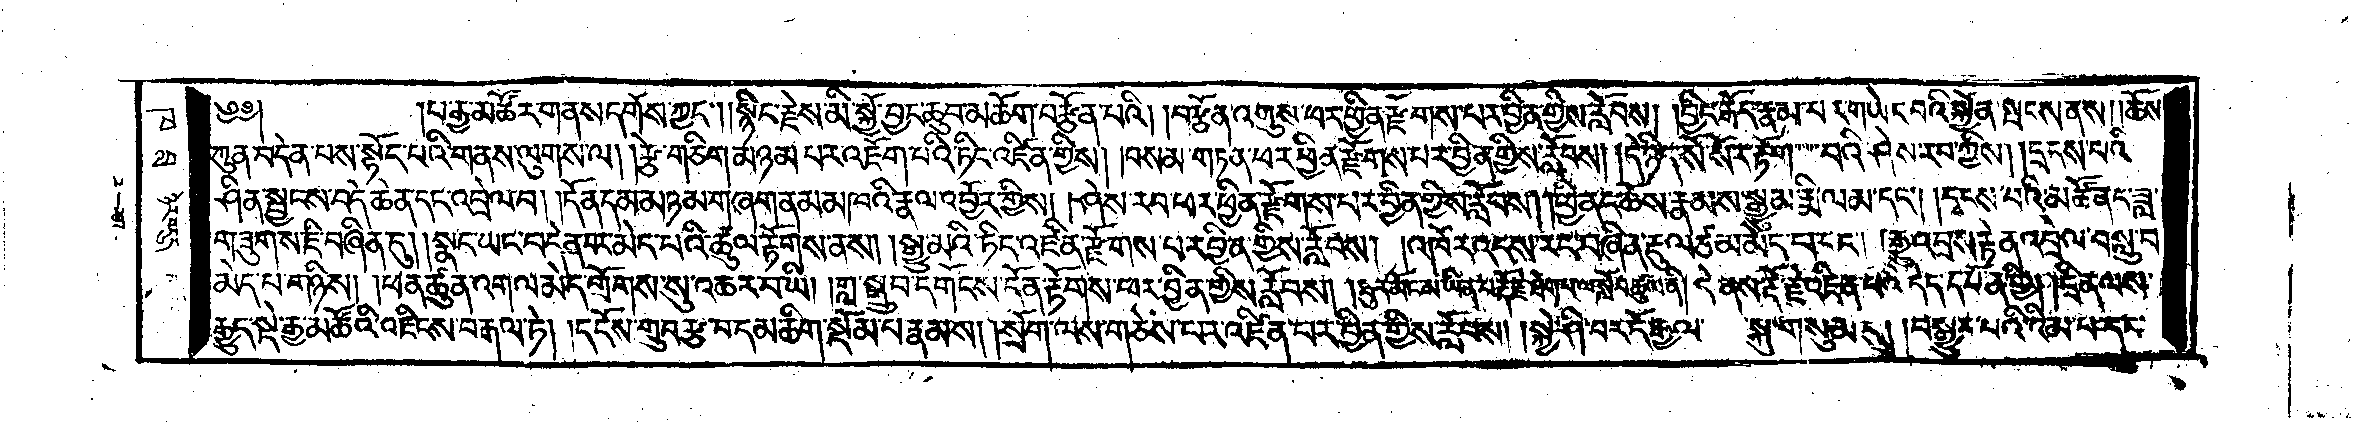༄༅། །པ་རྒྱ་མཚོར་གནས་དགོས་ཀྱང་། །སྙིང་རྗེས་མི་སྐྱོ་བྱང་ཆུབ་མཆོག་བརྩོན་པའི། །བརྩོན་འགྲུས་ཕར་ཕྱིན་རྫོགས་པར་བྱིན་གྱིས་རློབས། །བྱིང་རྒོད་རྣམ་པ་གཡེང་བའི་སྐྱོང་སྤངས་ནས། །ཆོས་
ཀུན་བདེན་པས་སྟོང་པའི་གནས་ལུགས་ལ། །རྩེ་གཅིག་མཉམ་པར་འཇོག་པའི་ཏིང་འཛིན་གྱིས། །བསམ་གཏན་ཕར་ཕྱིན་རྫོགས་པར་བྱིན་གྱིས་རློབས། །དེ་ཉིད་སོ་སོར་རྟོག་པའི་ཤེས་རབ་ཀྱིས། །དྲངས་པའི་
ཤིན་སྦྱངས་བདེ་ཆེན་དང་འབྲེལ་བ། །དོན་དམ་མཉམ་གཞན་ནམ་མཁའི་རྣལ་འབྱོར་གྱིས། །ཤེས་རབ་ཕར་ཕྱིན་རྫོགས་པར་བྱིན་གྱིས་རློབས། །ཕྱི་ནང་ཆོས་རྣམས་སྒྱུ་མ་རྨི་ལམ་དང་། །དྭངས་པའི་མཚོ་ནང་ཟླ་
གཟུགས་ཇི་བཞིན་དུ། །སྣང་ཡང་བདེན་པར་མེད་པའི་ཚུལ་རྟོགས་ནས། །སྒྱུ་མའི་ཏིང་འཛིན་རྫོགས་པར་བྱིན་གྱིས་རློབས། །འཁོར་འདས་རང་བཞིན་རྡུལ་ཙམ་མེད་པ་རང་། །རྒྱུ་འབྲས་རྟེན་འབྲེལ་བསླུ་བ་
མེད་པ་གཉིས། །ཕན་ཚུལ་འགལ་མེད་གྲོགས་སུ་འཆར་བ་ཡིན། །གླ་སྒྲུབ་དགོངས་དོན་རྟོགས་ཕར་བྱིན་གྱིས་རློབས། །ཐུན་མོངས་མ་ཡིན་པ་རྡོ་རྗེ་ཐེག་པ་ལ་སློབ་ཚུལ་ནི། དེ་ནས་རྡོ་རྗེ་འཛིན་པའི་དེད་དཔོན་གྱི། །དྲིན་ལས་
རྒྱུད་སྡེ་རྒྱ་མཚོའི་འཇིངས་བརྒལ་ཏེ། །དངོས་གྲུབ་རྩ་བ་དམ་ཚིག་སྡོམ་པ་རྣམས། །སྲོག་ལས་གཅེས་པར་འཛིན་པར་བྱིན་གྱིས་རློབས། །སྐྱེ་ཤི་བར་དོ་རྒྱལ། །སྐུ་གསུམ་དུ། །བསྒྱུར་པའི་རིམ་པ་དང་